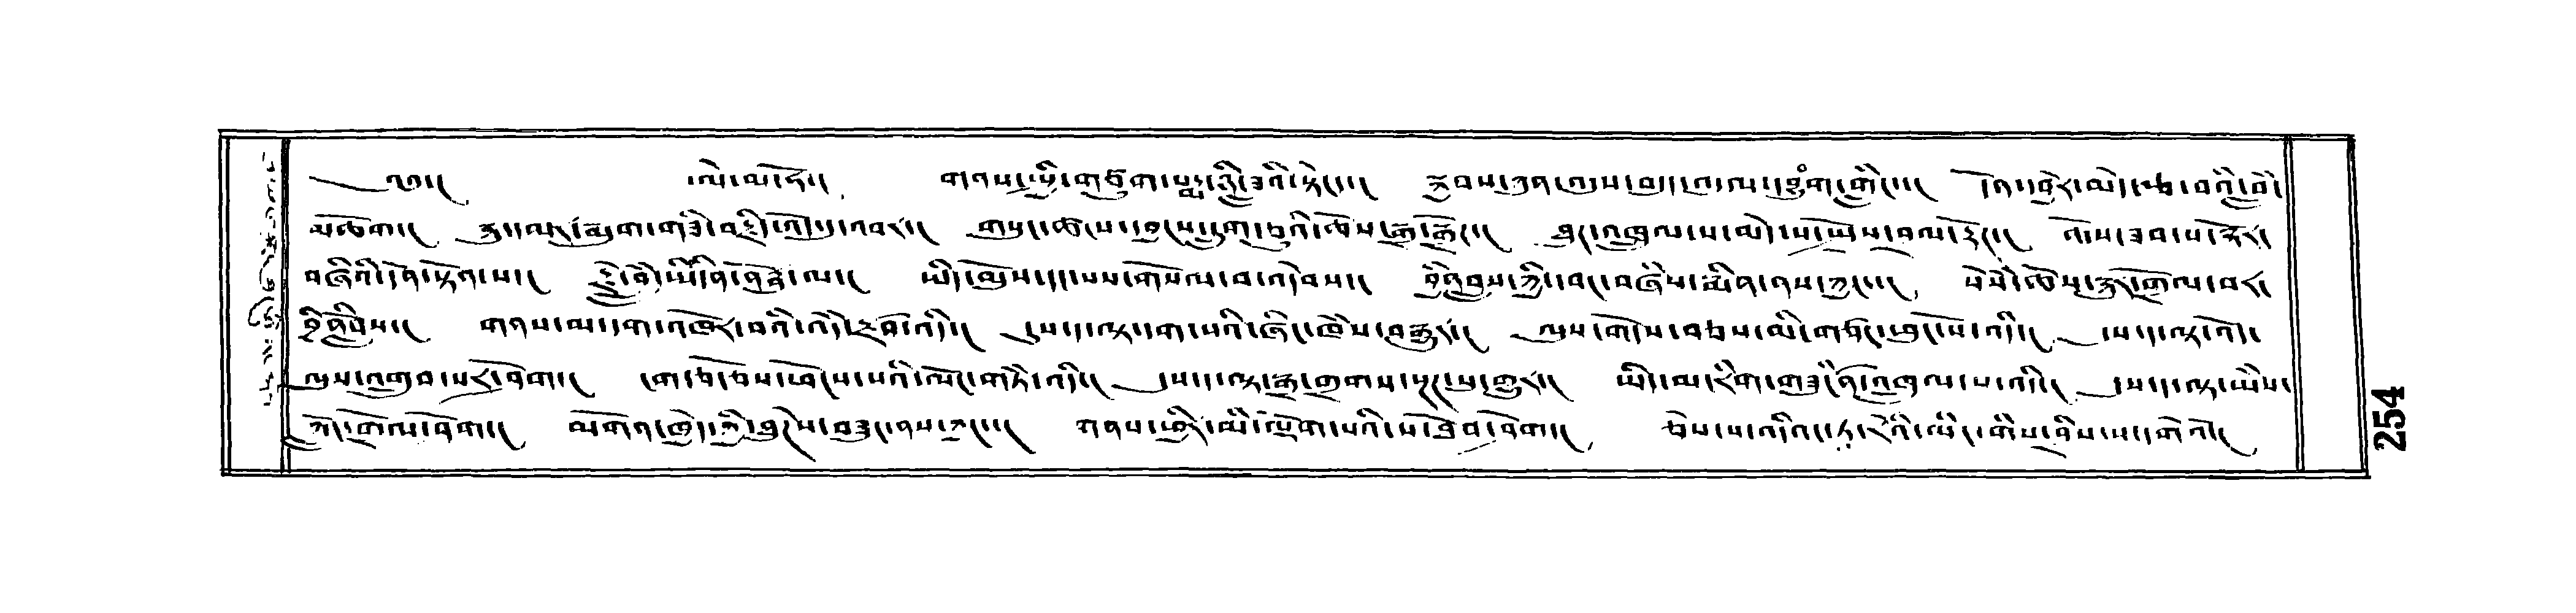ཨེ་མ་ཧོ། གནས་སྤྱི་གཙུག་པདྨ་ཉི་ཟླའི་སྟེང་། །སྐྱབས་ཀུན་འདུས་བདུད་འདུལ་དབང་ཕྱུག་གླིང་། །དོན་དབྱེར་མེད་རྩ་བའི་བླ་མ་
མཆོག །སྐུ་དམར་སྨུག་གཟི་བརྗིད་འོད་དུ་འབར། །གསུང་ཚངས་དབྱངས་དྲུག་ཅུའི་ཆོས་སྒྲ་སྒྲོག །ཐུགས་འཁྲུལ་པ་མེད་པ་སྤྲོས་བྲལ་རྟོགས། །ཆོས་ཟབ་པ་སྐོར་
བཞིའི་དོན་སྟོན་པ། །རྗེ་བླ་མ་ཡིད་བཞིན་ནོར་བུ་ལ། །ཡིད་མོས་གུས་དད་པས་གསོལ་བ་འདེབས། །བྱིན་རླབས་ཀྱི་དབང་བཞིས་སྨིན་ནས་ཀྱང་། །སེམས་ཆོས་སྐུར་གྲོལ་བར་
བྱིན་གྱིས་རློབས། །གནས་མ་དག་འཁོར་བའི་འདམ་རྫབ་འདི། །དུས་ད་ལྟ་དག་པའི་ཞིང་ཁམས་བསྒྱུར། །ལུས་གདོས་བཅས་མི་གཙང་ཕུང་པོ་འདི། །དུས་ད་ལྟ་འོད་
ལུས་འགྲུབ་པར་ཤོག །ངག་ཅ་ཅོ་སྤུངས་པའི་ལོང་གཏམ་འདི། །དུས་ད་ལྟ་སྒྲ་གྲགས་སྔགས་སུ་གྱུར། །ཡིད་མ་རིག་གཟུང་འཛིན་འཁྲུལ་པ་འདི། །དུས་ད་ལྟ་ཡེ་ཤེས་
ཀློང་གྲོལ་ཤོག །མགོན་ཁྱེད་ཀྱི་ཐུགས་རྗེས་བཟུང་ནས་ཀྱང་། །གནས་ཕྱིར་མི་ལྡོག་པའི་ས་ཐོབ་ཤོག ཅེས་པ་འདིའང་ཏཱ་རེའི་མིང་གིས་བྲིས་པ་དགེའོ།། ༢༥༥ ༽